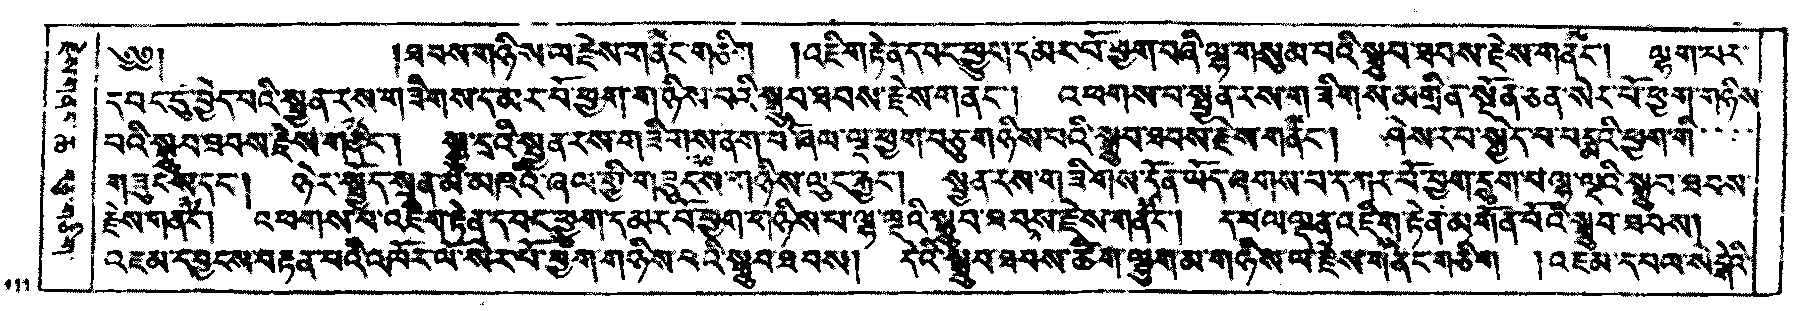༄༅། །ཐབས་གཉིས་ལ་རྗེས་གནང་གཅིག །འཇིག་རྟེན་དབང་ཕྱུག་དམར་པོ་ཕྱག་བཞི་ལྷ་གསུམ་པའི་སྒྲུབ་ཐབས་རྗེས་གནང ༡༦། ལྷག་པར་
དབང་དུ་བྱེད་པའི་སྤྱན་རས་གཟིགས་དམར་པོ་ཕྱག་གཉིས་པའི་སྒྲུབ་ཐབས་རྗེས་གནང ༡༧། འཕགས་པ་སྤྱན་རས་གཟིགས་མགྲིན་སྔོན་ཅན་སེར་པོ་ཕྱག་གཉིས་
པའི་སྒྲུབ་ཐབས་རྗེས་གནང ༡༨། སྒྱུ་དྲའི་སྤྱན་རས་གཟིགས་ནག་པོ་ཞལ་ལྔ་ཕྱག་བཅུ་གཉིས་པའི་སྒྲུབ་ཐབས་རྗེས་གནང ༡༩། ཤེས་རབ་སྐྱེད་པ་པདམའི་ཕྱག་གི་
གཟུངས་དང་། ཉེར་སྤྱོད་སྲན་མ་མཥའི་ཞལ་གྱི་གཟུངས ༢༠་གཉིས་ལུང་རྐྱང་། སྤྱན་རས་གཟིགས་དོན་ཡོད་ཞགས་པ་དཀར་པོ་ཕྱག་དྲུག་པ་ལྷ་ལྔའི་སྒྲུབ་ཐབས་
རྗེས་གནང ༢༡། འཕགས་པ་འཇིག་རྟེན་དབང་ཕྱུག་དམར་པོ་ཕྱག་གཉིས་པ་ལྷ་ལྔའི་སྒྲུབ་ཐབས་རྗེས་གནང ༢༢། དཔལ་ལྡན་འཇིག་རྟེན་མགོན་པོའི་སྒྲུབ་ཐབས།
འཇམ་དབྱངས་བརྟན་པའི་འཁོར་ལོ་སེར་པོ་ཕྱག་གཉིས་པའི་སྒྲུབ་ཐབས། དེའི་སྒྲུབ་ཐབས་ཚིག་ལྷུག་མ་གཉིས་ལ་རྗེས་གནང ༢༣་གཅིག །འཇམ་དཔལ་སེངྒེའི་